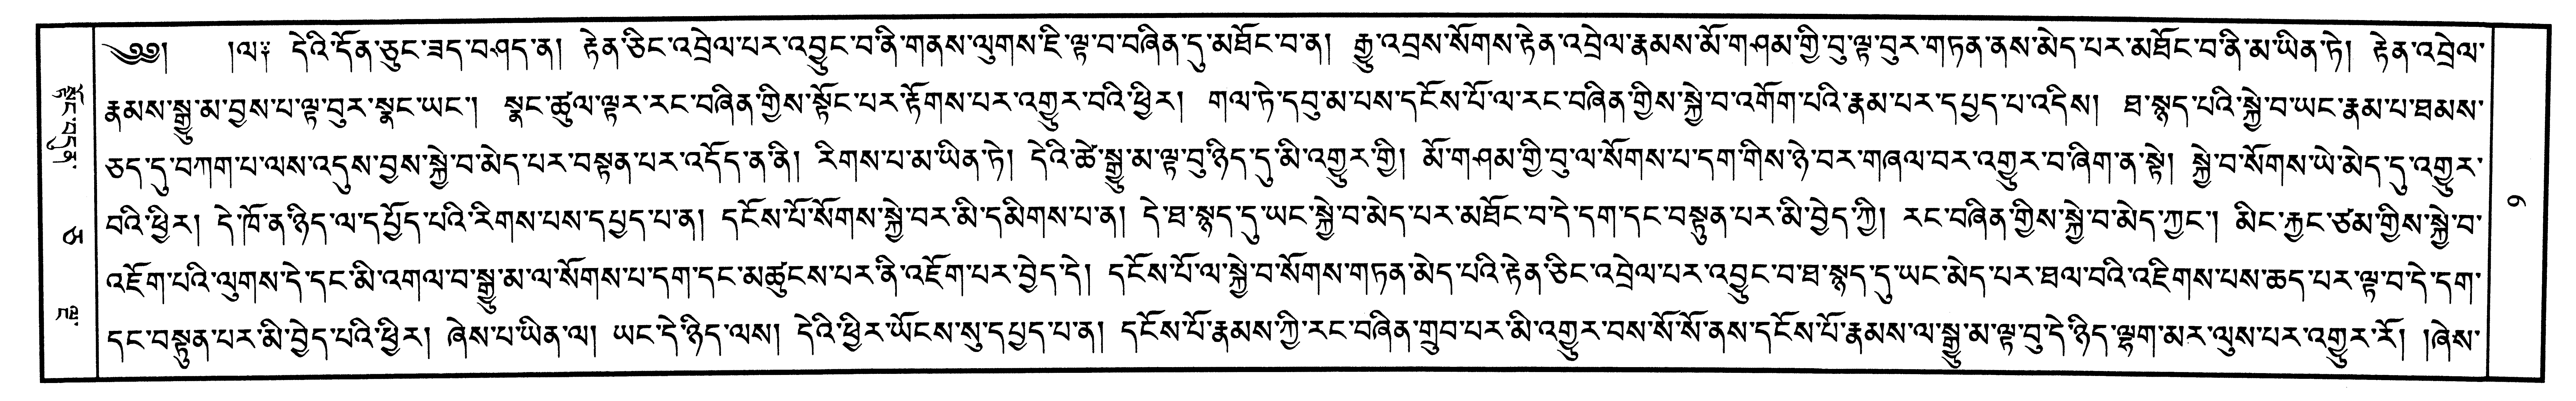༄༅། །ལ༑ དེའི་དོན་ཅུང་ཟད་བཤད་ན། རྟེན་ཅིང་འབྲེལ་པར་འབྱུང་བ་ནི་གནས་ལུགས་ཇི་ལྟ་བ་བཞིན་དུ་མཐོང་བ་ན། རྒྱུ་འབྲས་སོགས་རྟེན་འབྲེལ་རྣམས་མོ་གཤམ་གྱི་བུ་ལྟ་བུར་གཏན་ནས་མེད་པར་མཐོང་བ་ནི་མ་ཡིན་ཏེ། རྟེན་འབྲེལ་
རྣམས་སྒྱུ་མ་བྱས་པ་ལྟ་བུར་སྣང་ཡང་། སྣང་ཚུལ་ལྟར་རང་བཞིན་གྱིས་སྟོང་པར་རྟོགས་པར་འགྱུར་བའི་ཕྱིར། གལ་ཏེ་དབུ་མ་པས་དངོས་པོ་ལ་རང་བཞིན་གྱིས་སྐྱེ་བ་འགོག་པའི་རྣམ་པར་དཔྱད་པ་འདིས། ཐ་སྙད་པའི་སྐྱེ་བ་ཡང་རྣམ་པ་ཐམས་
ཅད་དུ་བཀག་པ་ལས་འདུས་བྱས་སྐྱེ་བ་མེད་པར་བསྟན་པར་འདོད་ན་ནི། རིགས་པ་མ་ཡིན་ཏེ། དེའི་ཚེ་སྒྱུ་མ་ལྟ་བུ་ཉིད་དུ་མི་འགྱུར་གྱི། མོ་གཤམ་གྱི་བུ་ལ་སོགས་པ་དག་གིས་ཉེ་བར་གཞལ་བར་འགྱུར་བ་ཞིག་ན་སྟེ། སྐྱེ་བ་སོགས་ཡེ་མེད་དུ་འགྱུར་
བའི་ཕྱིར། དེ་ཁོ་ན་ཉིད་ལ་དཔྱོད་པའི་རིགས་པས་དཔྱད་པ་ན། དངོས་པོ་སོགས་སྐྱེ་བར་མི་དམིགས་པ་ན། དེ་ཐ་སྙད་དུ་ཡང་སྐྱེ་བ་མེད་པར་མཐོང་བ་དེ་དག་དང་བསྟུན་པར་མི་བྱེད་ཀྱི། རང་བཞིན་གྱིས་སྐྱེ་བ་མེད་ཀྱང་། མིང་རྐྱང་ཙམ་གྱིས་སྐྱེ་བ་
འཇོག་པའི་ལུགས་དེ་དང་མི་འགལ་བ་སྒྱུ་མ་ལ་སོགས་པ་དག་དང་མཚུངས་པར་ནི་འཇོག་པར་བྱེད་དེ། དངོས་པོ་ལ་སྐྱེ་བ་སོགས་གཏན་མེད་པའི་རྟེན་ཅིང་འབྲེལ་པར་འབྱུང་བ་ཐ་སྙད་དུ་ཡང་མེད་པར་ཐལ་བའི་འཇིགས་པས་ཆད་པར་ལྟ་བ་དེ་དག་
དང་བསྟུན་པར་མི་བྱེད་པའི་ཕྱིར། ཞེས་པ་ཡིན་ལ། ཡང་དེ་ཉིད་ལས། དེའི་ཕྱིར་ཡོངས་སུ་དཔྱད་པ་ན། དངོས་པོ་རྣམས་ཀྱི་རང་བཞིན་གྲུབ་པར་མི་འགྱུར་བས་སོ་སོ་ནས་དངོས་པོ་རྣམས་ལ་སྒྱུ་མ་ལྟ་བུ་དེ་ཉིད་ལྷག་མར་ལུས་པར་འགྱུར་རོ། །ཞེས་